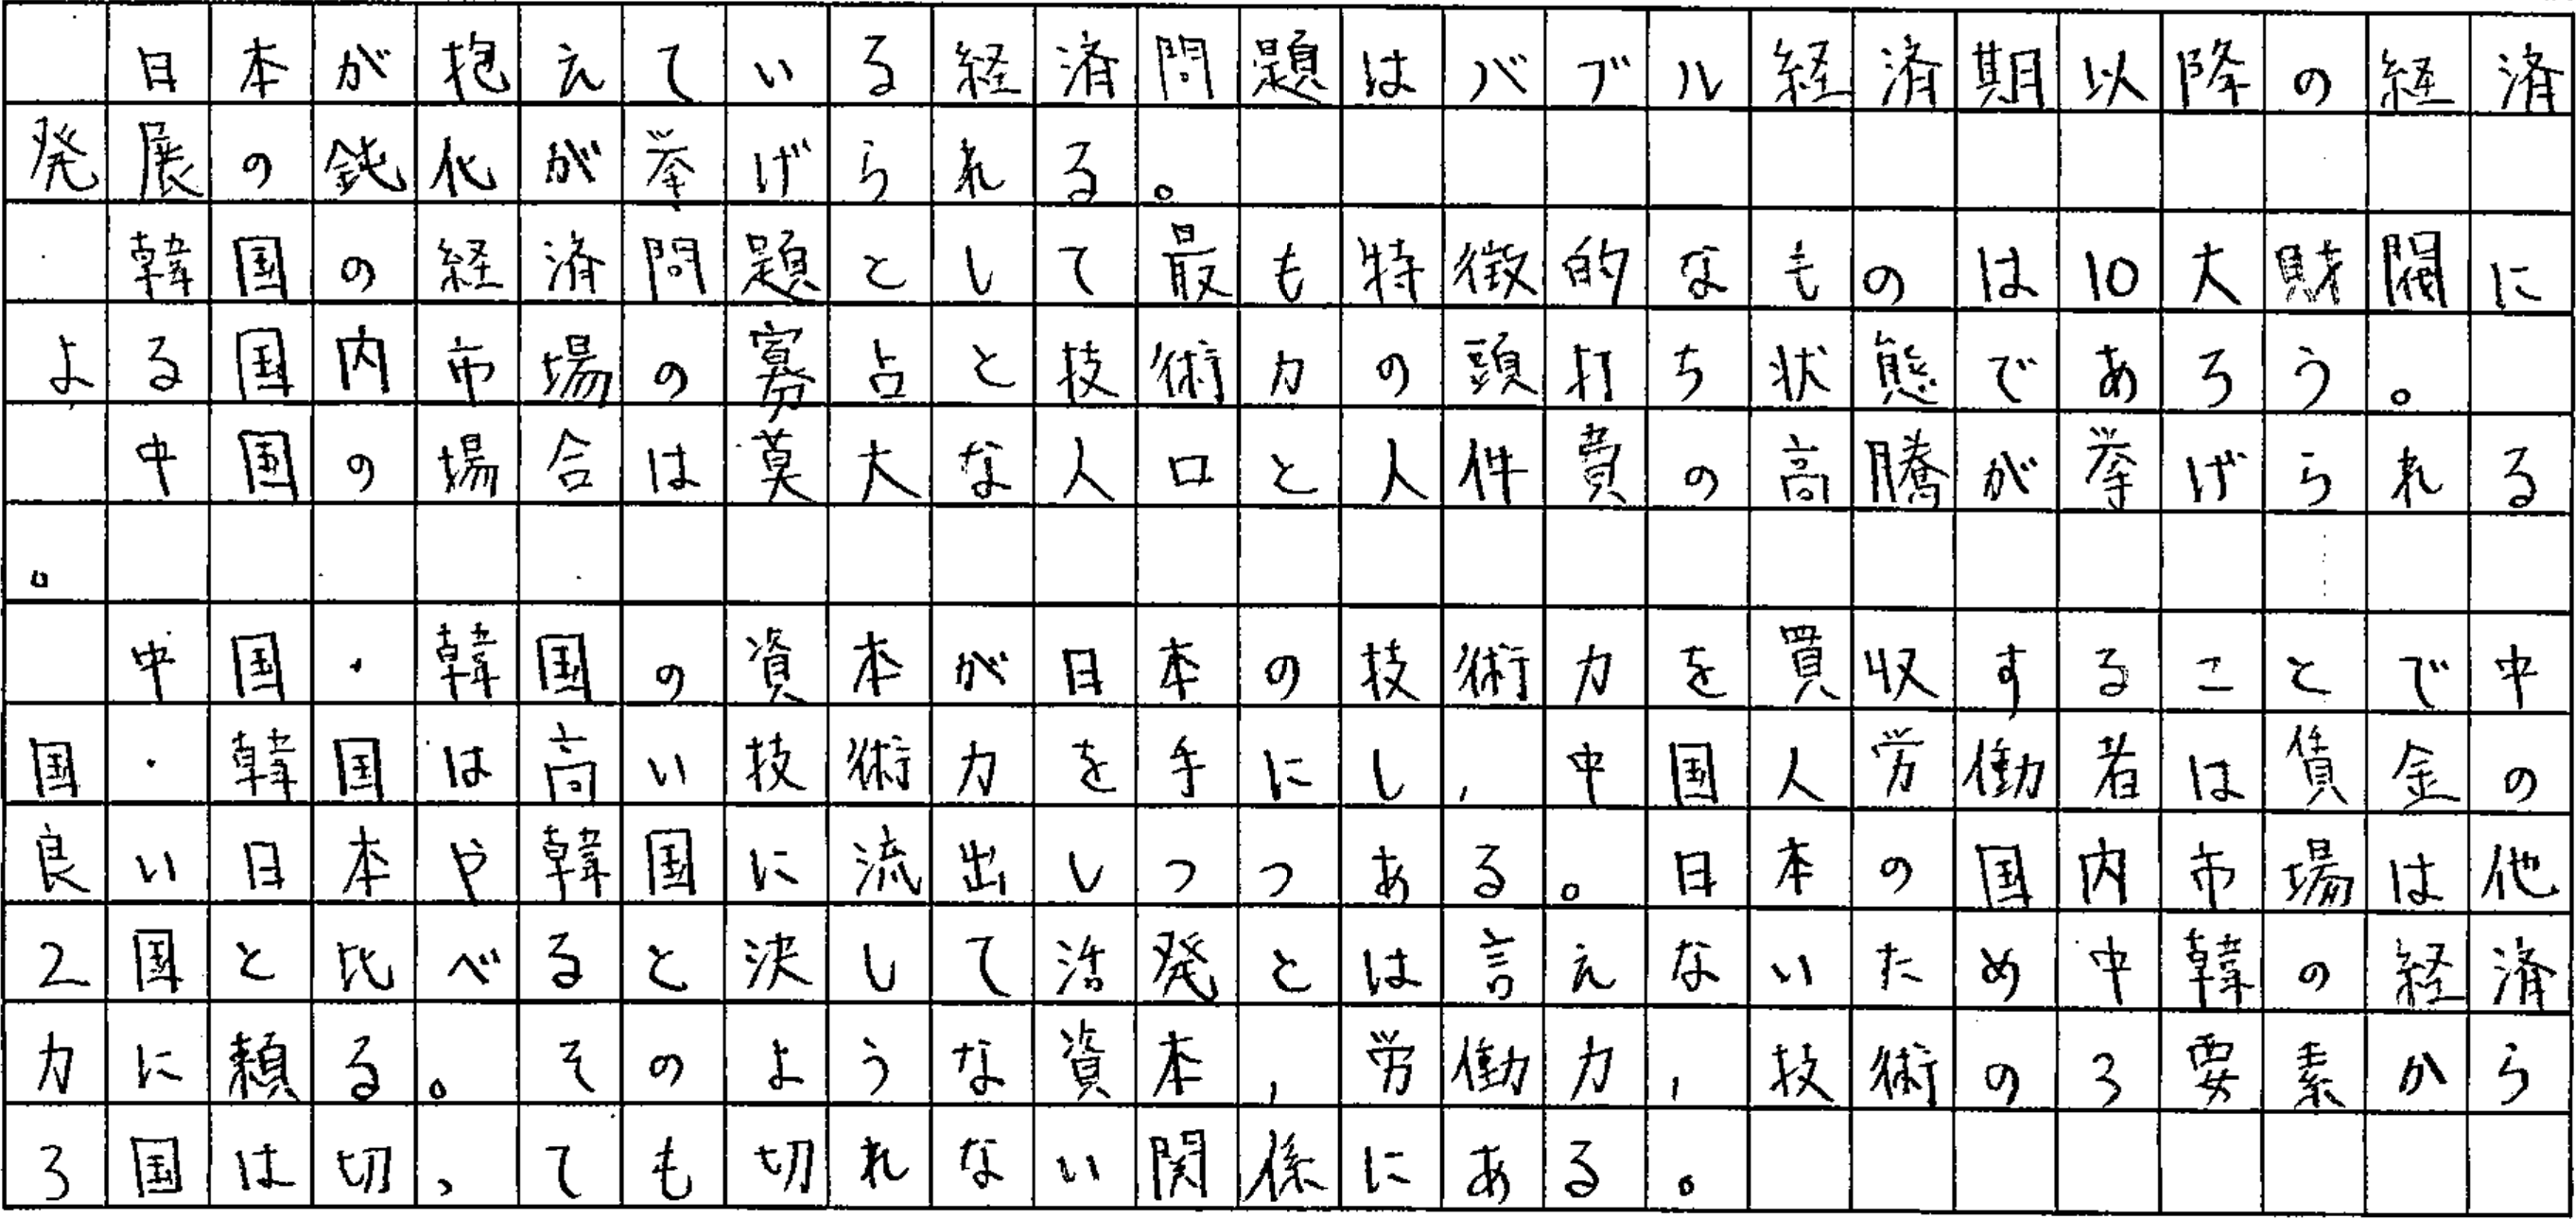　日本が抱えている経済問題はバブル経済期以降の経済発展の鈍化が挙げられる。
　韓国の経済問題として最も特徴的なものは10大財閥による国内市場の寡占と技術力の頭打ち状態であろう。
　中国の場合は莫大な人口と人件費の高騰が挙げられる。
　中国・韓国の資本が日本の技術力を買収することで中国・韓国は高い技術力を手にし，中国人労働者は賃金の良い日本や韓国に流出しつつある。日本の国内市場は他２国と比べると決して活発とは言えないため中韓の経済力に頼る。そのような資本，労働力，技術の３要素から３国は切っても切れない関係にある。
